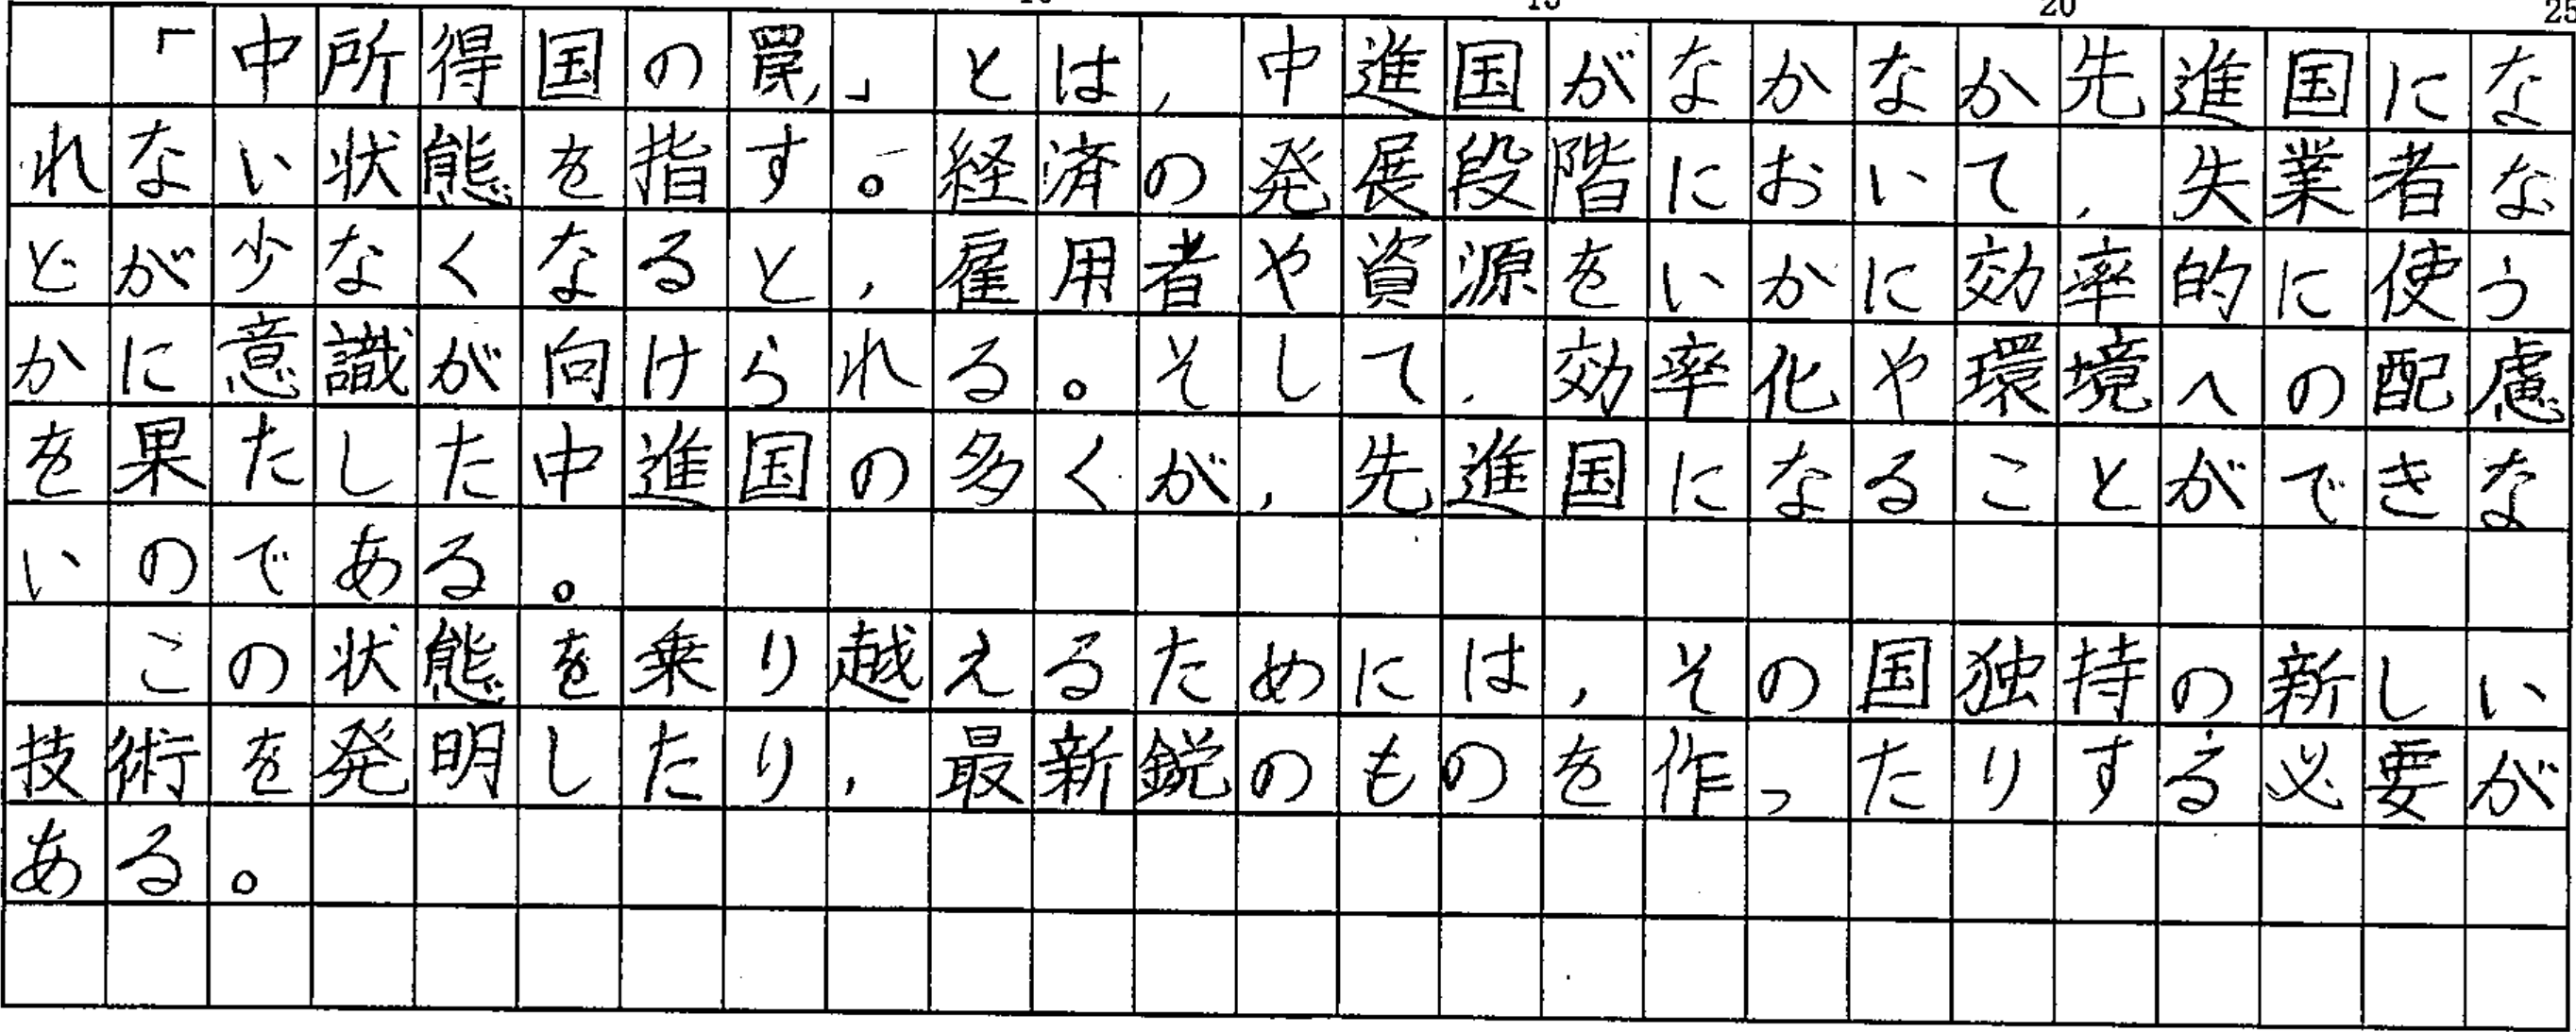　「中所得国の罠」とは，中進国がなかなか先進国になれない状態を指す。経済の発展段階において，失業者などが少なくなると，雇用者や資源をいかに効率的に使うかに意識が向けられる。そして，効率化や環境への配慮を果たした中進国の多くが，先進国になることができないのである。
　この状態を乗り越えるためには，その国独持の新しい技術を発明したり，最新鋭のものを作ったりする必要がある。
